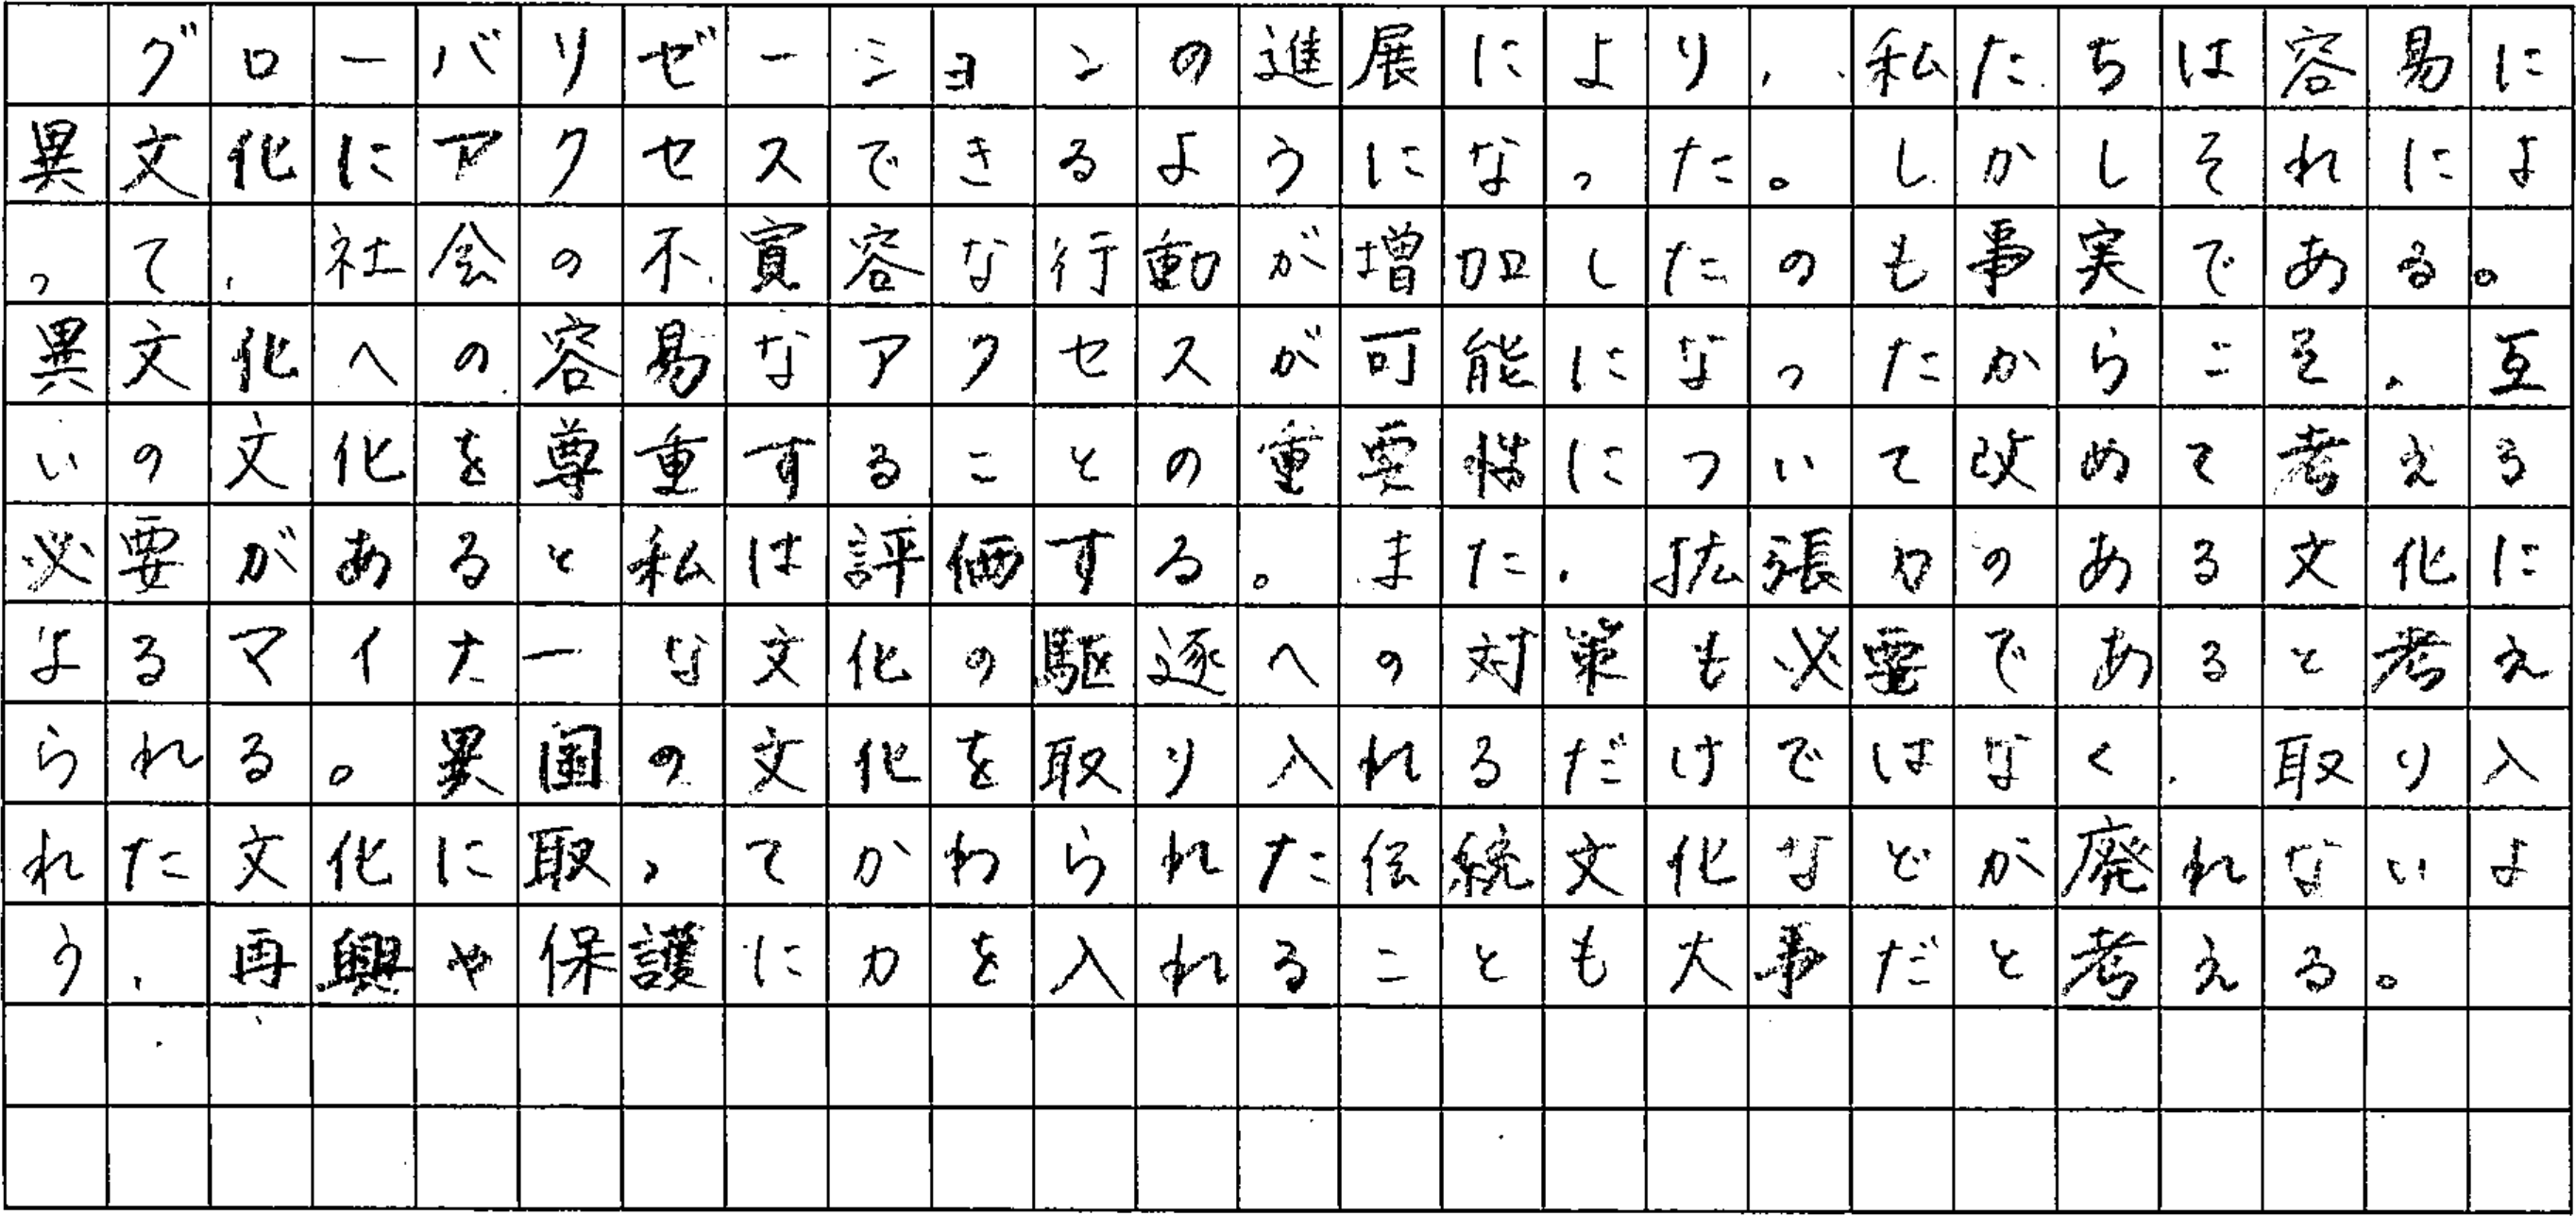   グローバリゼーションの進展により、私たちは容易に異文化にアクセスできるようになった。しかしそれによって、社会の不寛容な行動が増加したのも事実である。異文化への容易なアクセスが可能になったからこそ、互いの文化を尊重することの重要性について改めて考える必要があると私は評価する。また、拡張力のある文化によるマイナーな文化の駆逐への対策も必要であると考えられる。異国の文化を取り入れるだけではなく、取り入れた文化に取ってかわられた伝統文化などが廃れないよう、再興や保護に力を入れることも大事だと考える。
